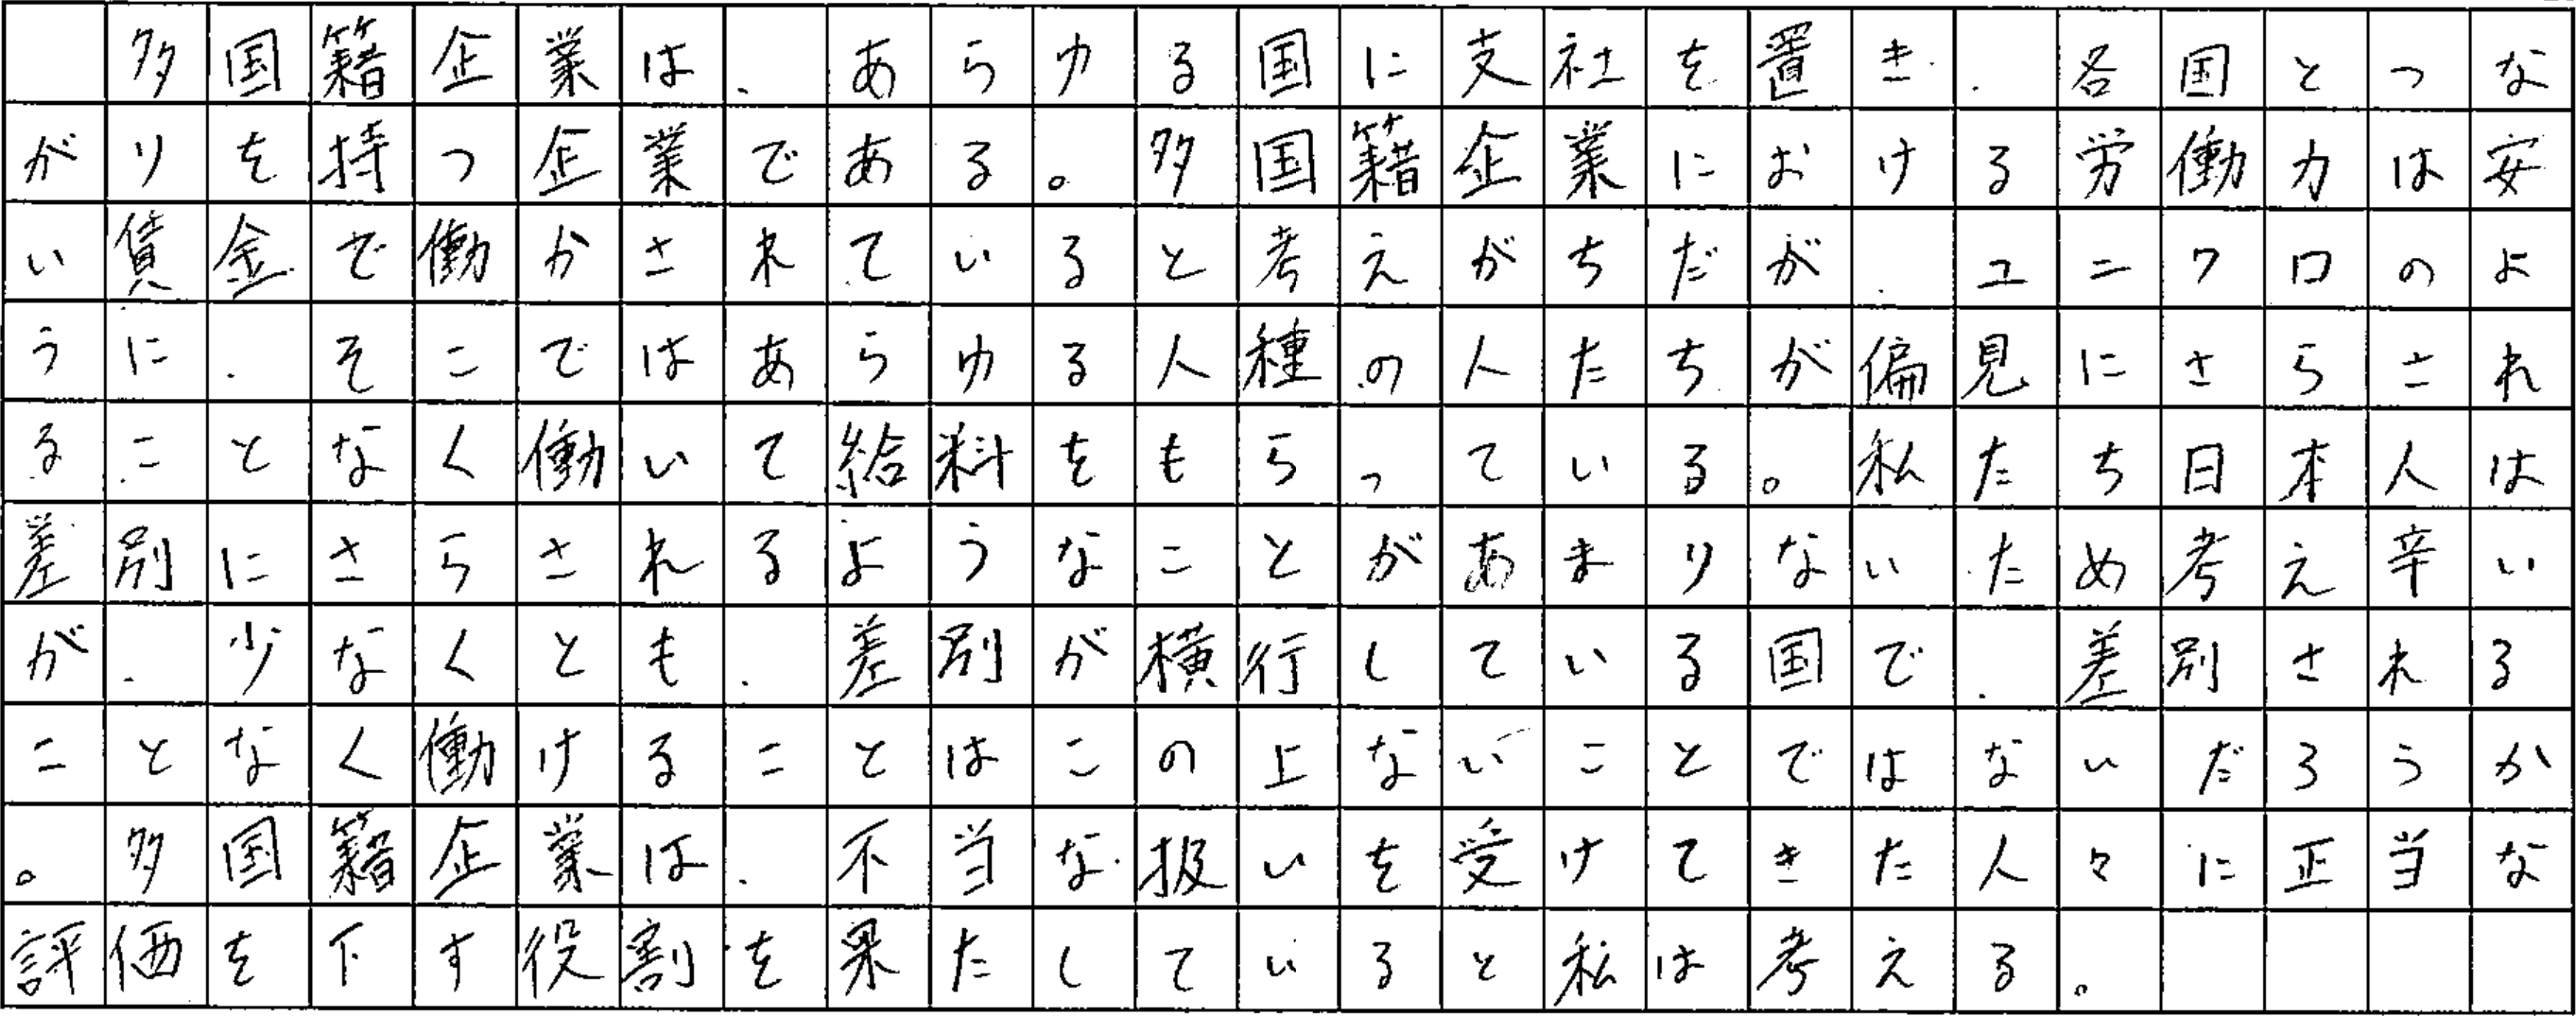　多国籍企業は、あらゆる国に支社を置き、各国とつながりを持つ企業である。多国籍企業における労働力は安い賃金で働かされていると考えがちだが、ユニクロのように、そこではあらゆる人種の人たちが偏見にさらされることなく働いて給料をもらっている。私たち日本人は差別にさらされるようなことがあまりないため考え辛いが、少なくとも、差別が横行している国で、差別されることなく働けることはこの上ないことではないだろうか。多国籍企業は、不当な扱いを受けてきた人々に正当な評価を下す役割を果たしていると私は考える。
